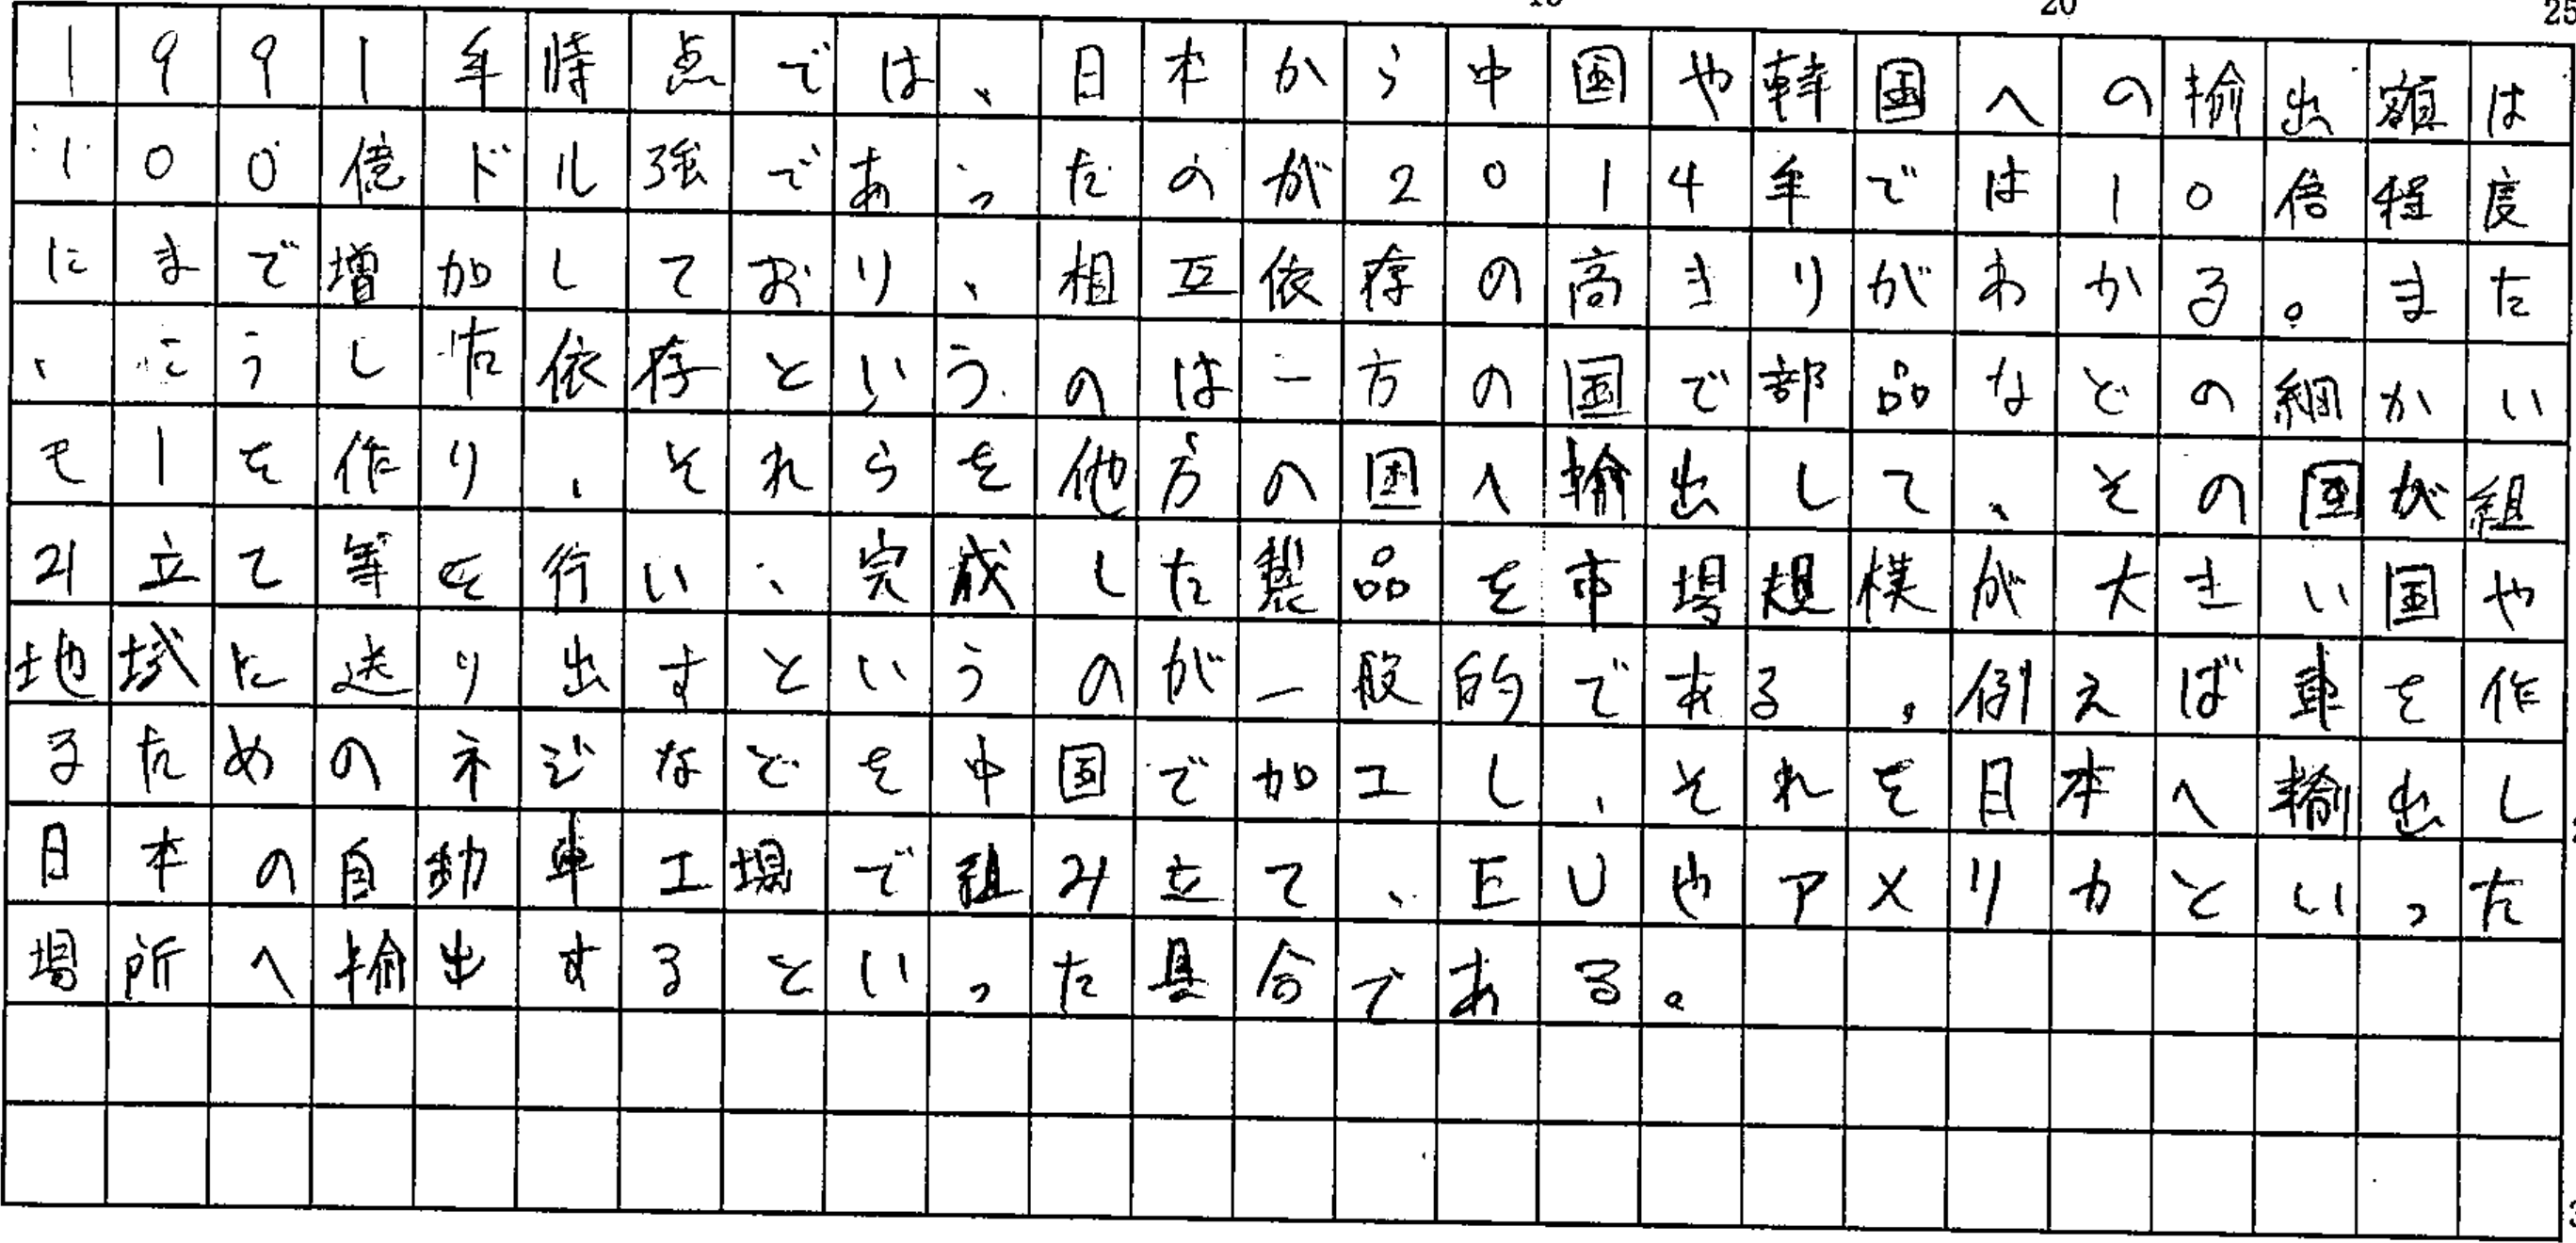１９９１年時点では、日本から中国や韓国への輸出額は１００億ドル強であったのが２０１４年では１０倍程度にまで増加しており、相互依存の高まりがわかる。また、こうした依存というのは一方の国で部品などの細かいモノを作り、それらを他方の国へ輸出して、その国が組み立て等を行い、完成した製品を市場規模が大きい国や地域に送り出すというのが一般的である。例えば車を作るためのネジなどを中国で加工し、それを日本へ輸出し日本の自動車工場で組み立て、ＥＵやアメリカといった場所へ輸出するといった具合である。
